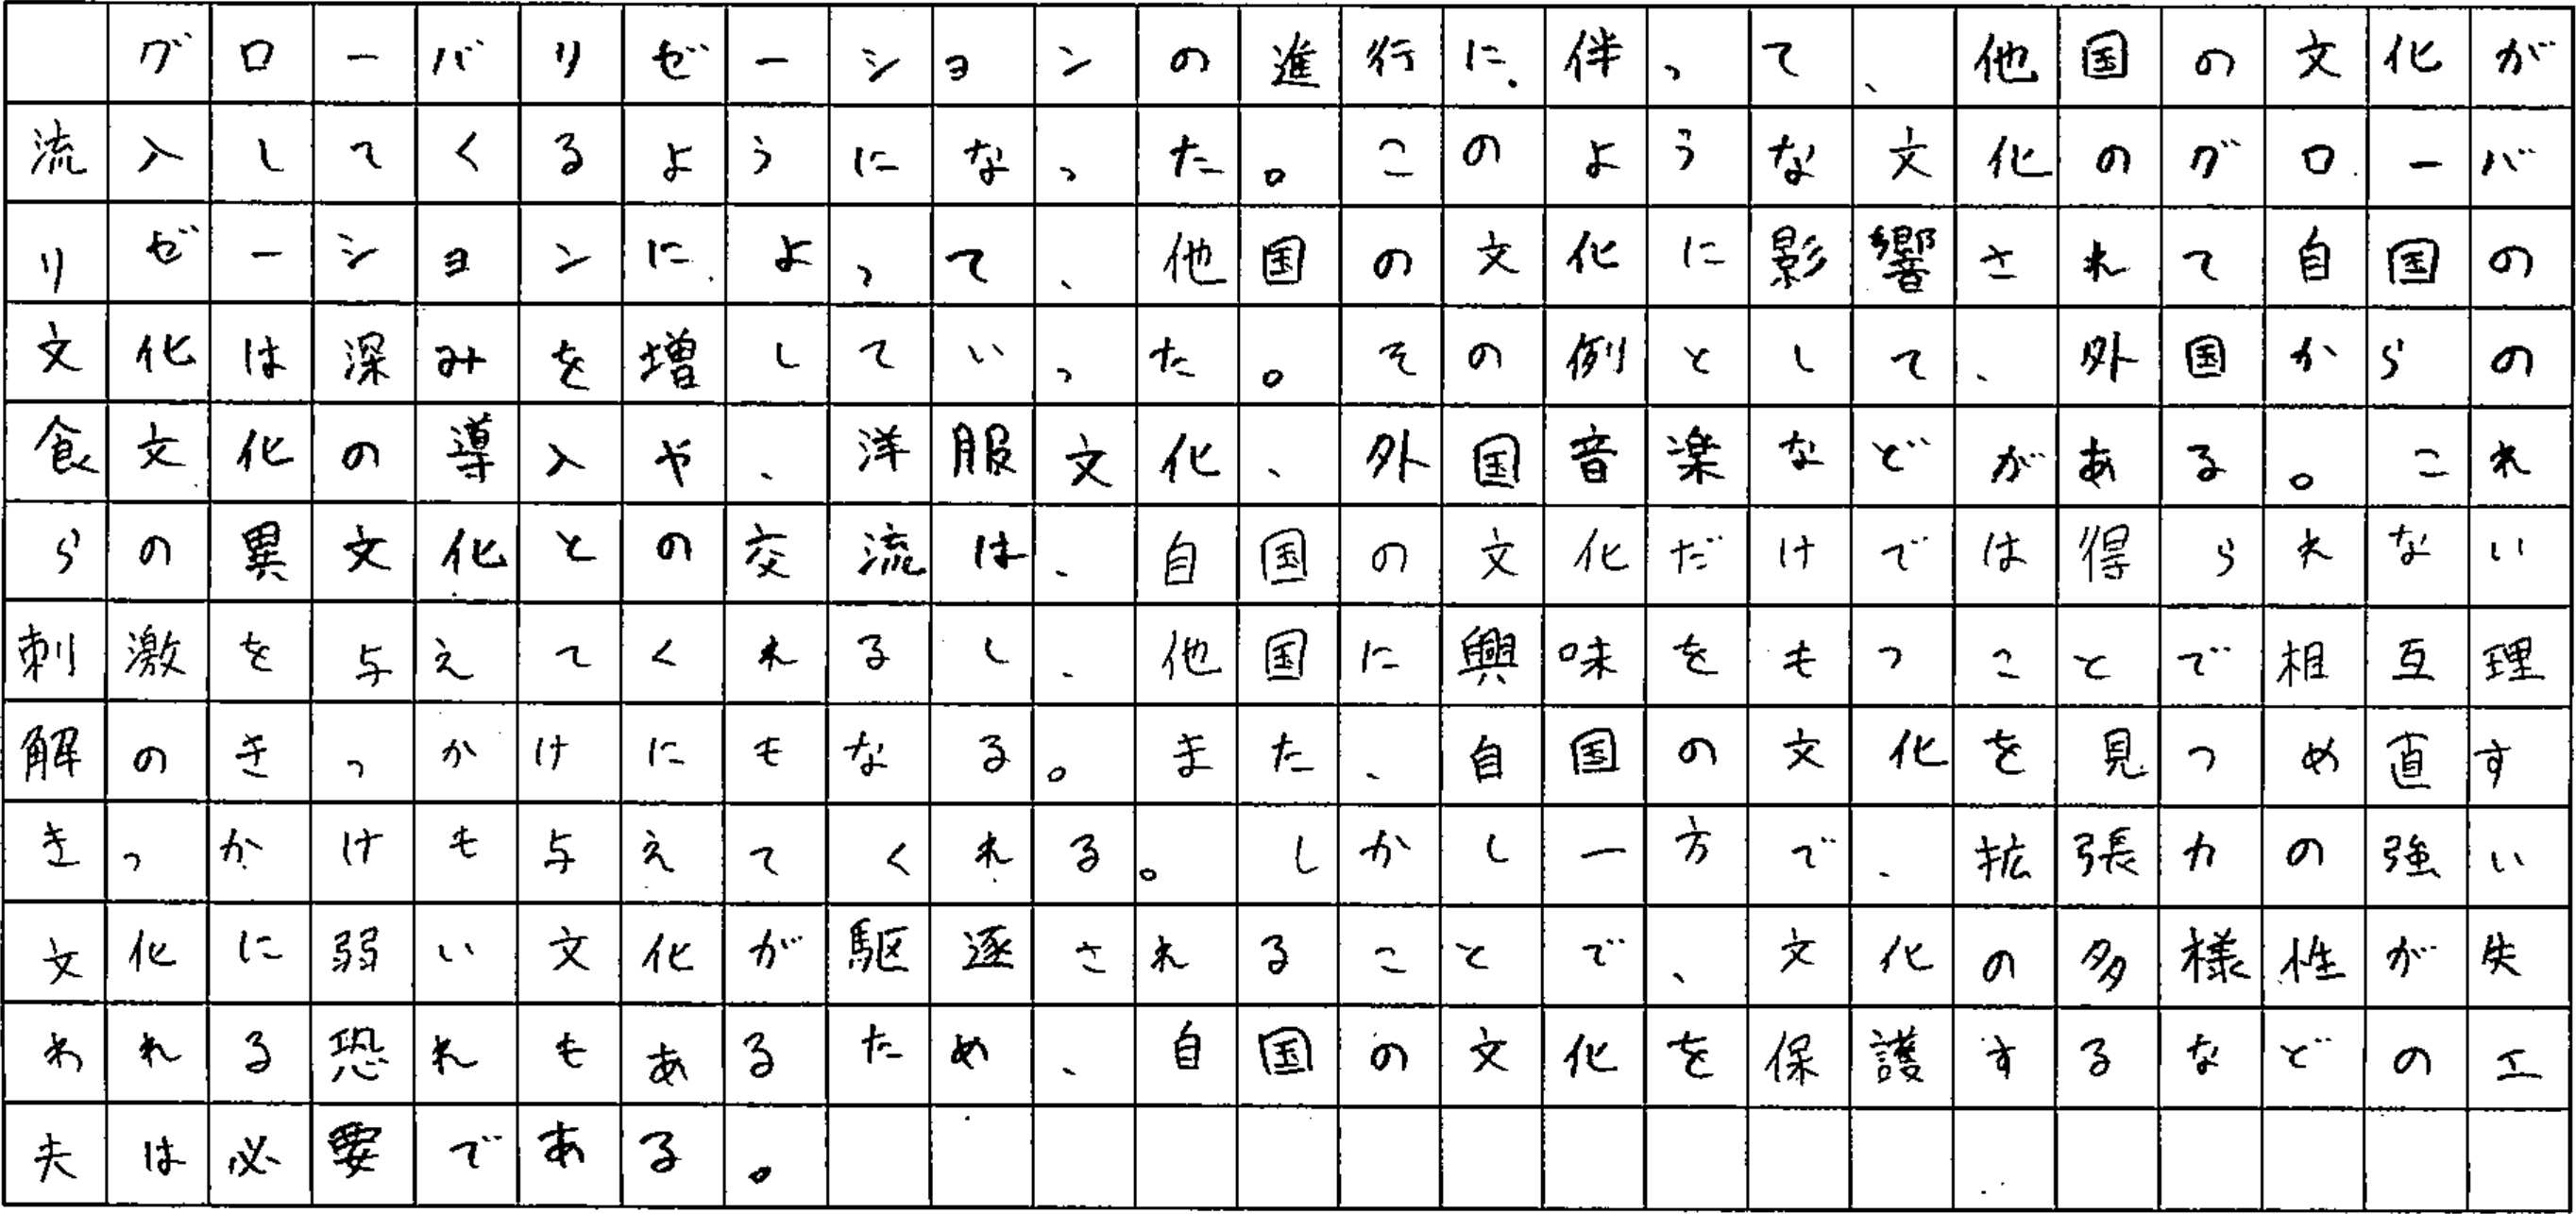　グローバリゼーションの進行に伴って、他国の文化が流入してくるようになった。このような文化のグローバリゼーションによって、他国の文化に影響されて自国の文化は深みを増していった。その例として、外国からの食文化の導入や、洋服文化、海外音楽などがある。これらの異文化との交流は、自国文化だけでは得られない刺激を与えてくれるし、他国に興味をもつことで相互理解のきっかけにもなる。また、自国の文化を見つめ直すきっかけも与えてくれる。しかし一方で、拡張力の強い文化に弱い文化が駆逐されることで、文化の多様性が失われる恐れもあるため、自国の文化を保護するなどの工夫は必要である。
